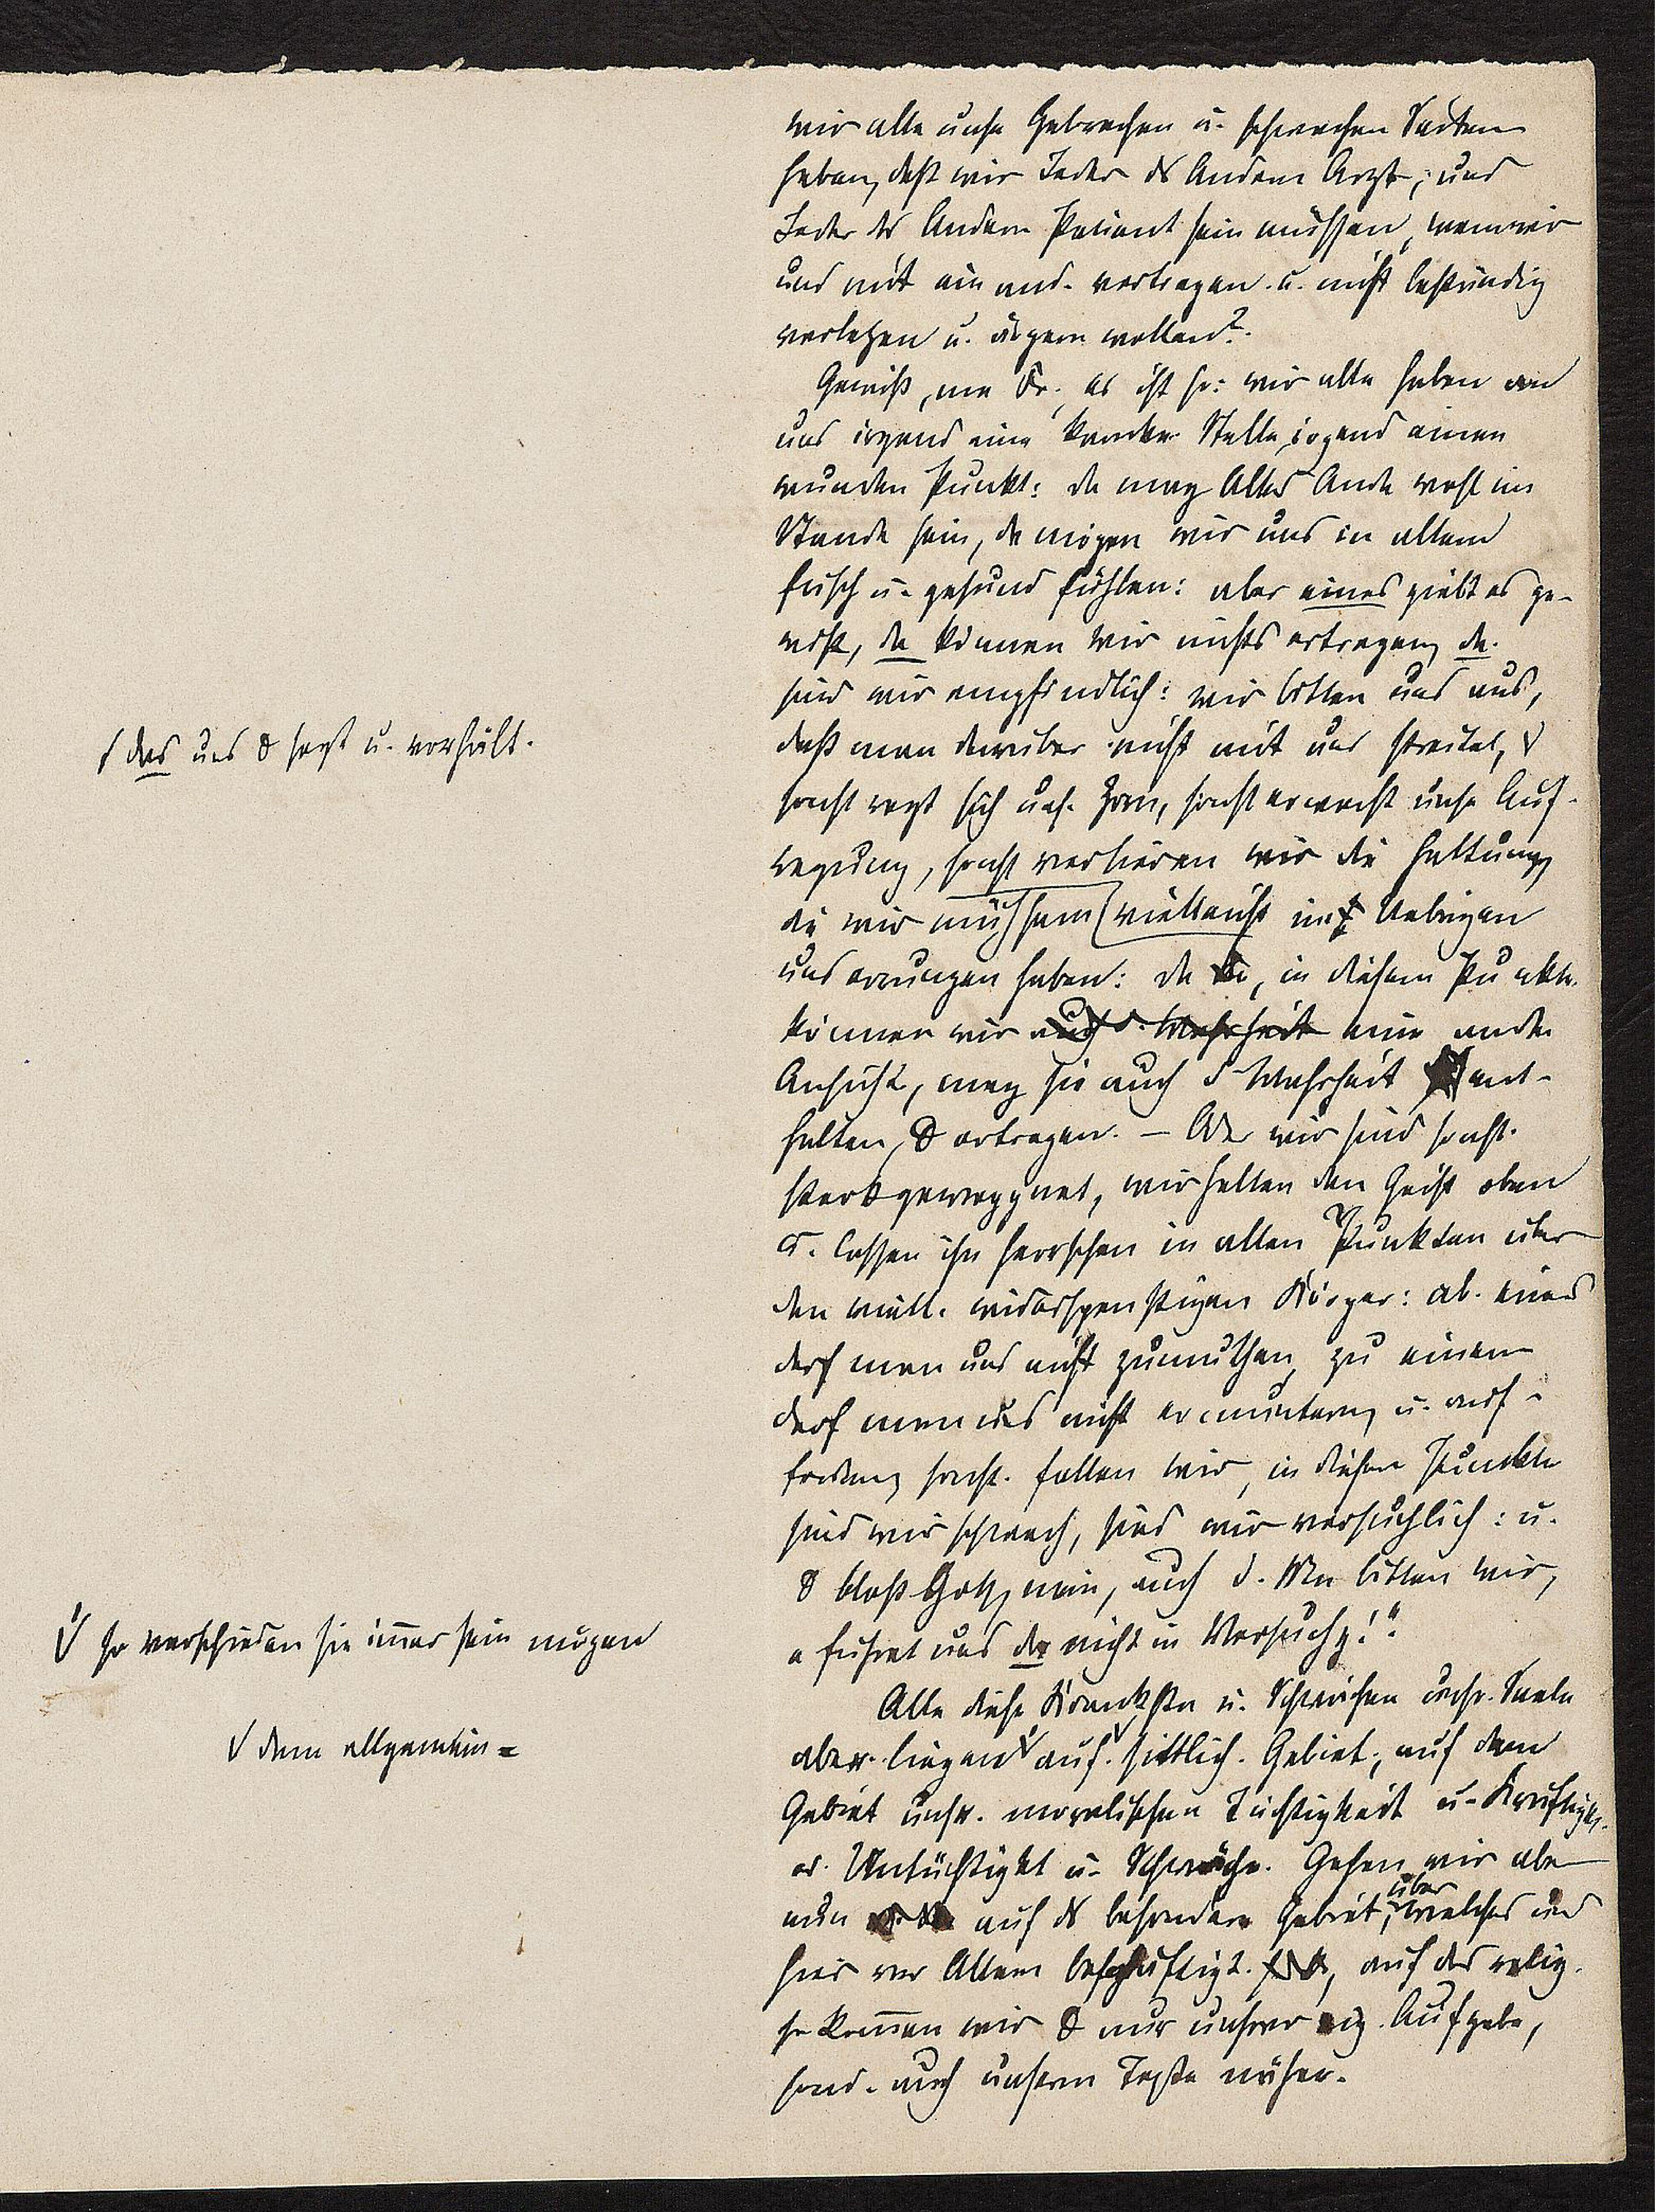V das uns o sagt u. vorhält.
V so verschieden sie immer sein mögen
V dem allgemein¬
wir alle unse Gebrechen u. schwachen Seiten
haben, daß wir Jeder das Andern Arzt; und
Jeder das Andern Patient sein müssen, wenn wir
und mit einand. vertragen u. nicht beständig
verletzten u. ärgeren wollen?
Gewiß, mn Fr., es ist so: wir alle haben an
uns irgend eine kanke Stelle irgend einen
wunden Punkt: da mag Alles Ande wohl im
Stande sein, da mögen wir uns in allem
frisch u. gesund fühlen: aber eines giebt es ge¬
wiß, da können wir nichts ertragen, da
sind wir empfindlich: wird bitten uns aus,
daß man darüber nicht mit uns streitet, V
sonst regt sich unser Zorn, sonst erwacht unse Auf¬
regung, sonst verlieren wir die Haltung,
die wir mühsam vielleicht im Uebrigen
uns erungen haben: da an, in diesem Punkte
können wir auch d. Wahrheit eine ande
Ansicht, mag sie auch d. Wahrheit a ent¬
halten, o ertragen. _ Aber wir sind sonst
starkgewappnet, wir halten den Geist oben
u. lassen ihn herrschen in allen Punkten über
den viell. widerspenstigen Körper: ab. eines
darf man uns nicht zumuthen, zu einem
darf man uns nicht ermuntern, u. auf¬
fordern, sonst fallen wir, in diesem Punkte
sind wir schwach, sind wir versuchlich: u.
o bloß Gott, nein, auch d. Mn bitten wir,
"führet uns da nicht in Versuchg!!"
Allen diese Krankhtn u. Schwächen unsr Seele
aber liegen V auf V sittlich. Gebiet, auf dem
Gebiet unsr. moralischen Tüchtigkeit u. Kräftign,
od. Untüchtigkt. u. Schwäche. Gehen wir aber
über
nun v. d. auf das besondere Gebiet, welches uns
hier vor Allem befähigt. sn da, auf das relig.
so komen wir o nur unsrer eig. Aufgabe,
sond. auch unserm Texte näher.